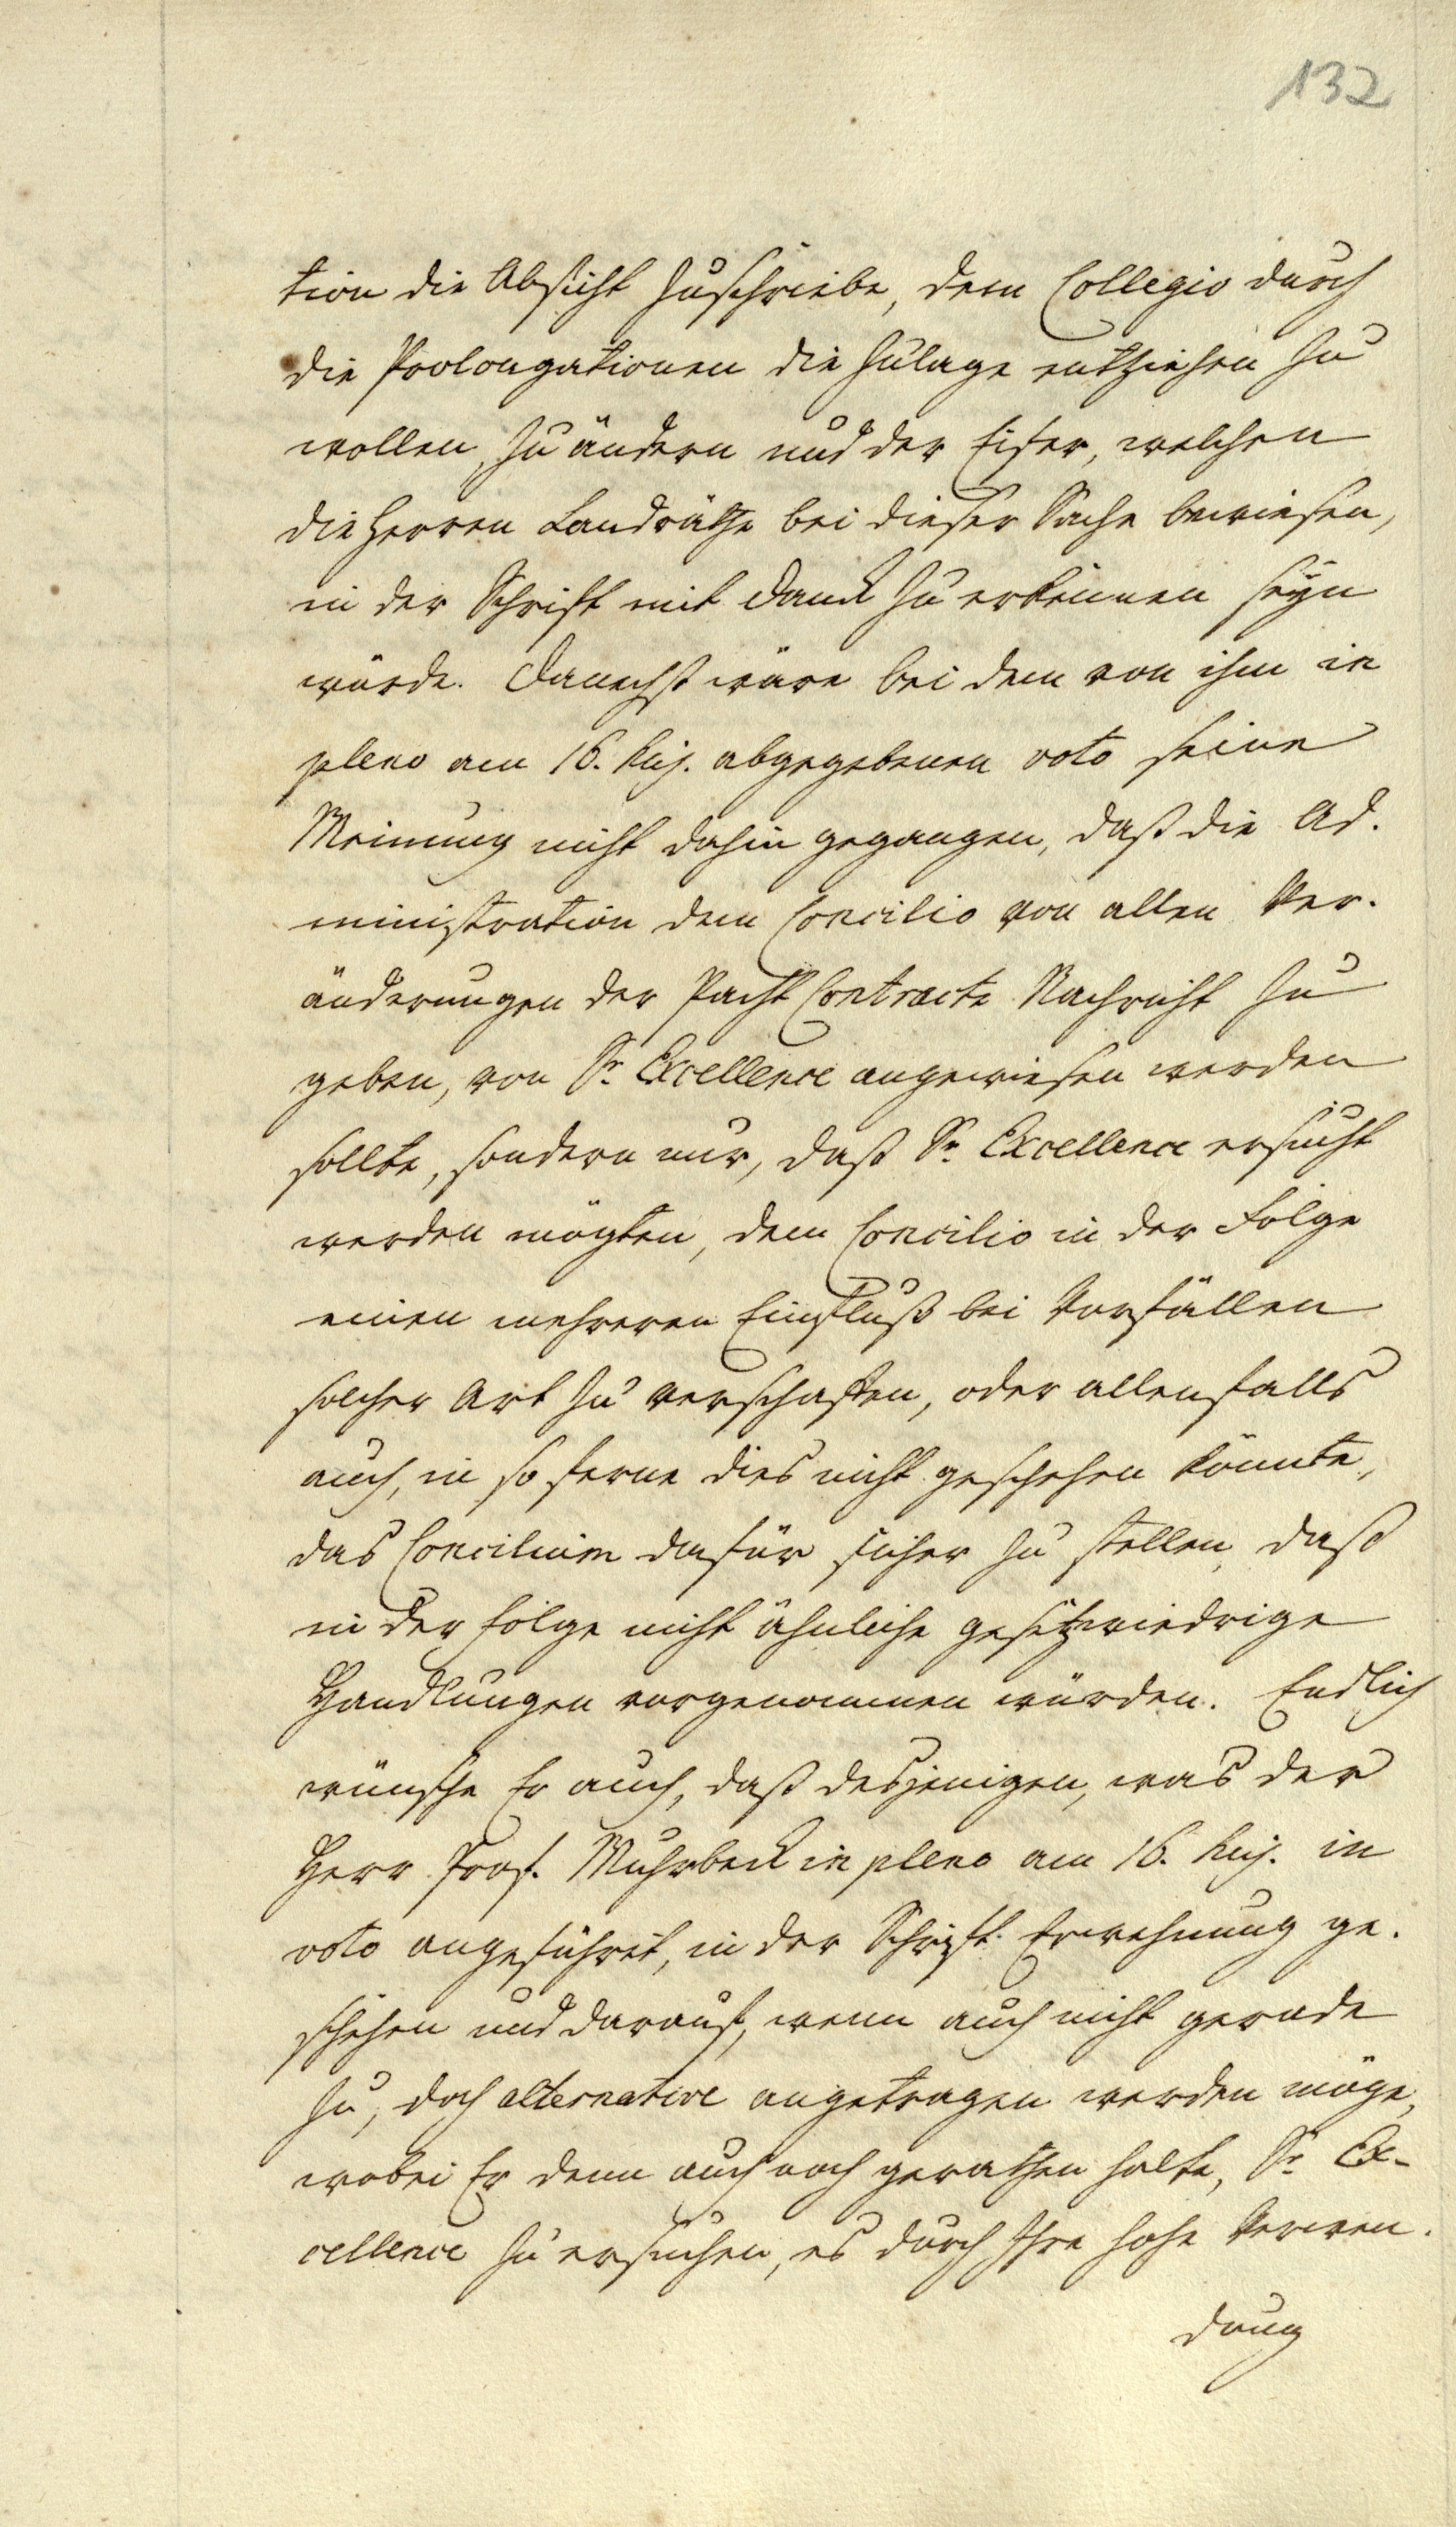tion die Absicht zuschriebe, dem Collegio durch
die Prolongationen die Zulage entziehen zu
wollen, zu ändern und der Eifer, welchen
die Herren Landräthe bei dieser Sache bewiesen,
in der Schrift mit Danck zu erkennen seÿn
würde. Danechst wäre bei dem von ihm in
pleno am 13. huj. abgegebenen voto seine
Meinung nicht dahin gegangen, daß die Ad¬
ministration dem Concilio von allen Ver¬
änderungen der Pacht Contracte Nachricht zu
geben, von Sr Excellence angewiesen werden
sollte, sondern nur, daß Sr Excellence ersucht
werden mögten, dem Concilio in der Folge
einen mehreren Einfluß bei Vorfällen
solcher Art zu verschaffen, oder allenfalls
auch in so ferne dies nicht geschehen könnte,
das Concilium dafür sicher zu stellen, daß
in der Folge nicht ähnliche gesetzwiedrige
Handlungen vorgenommen würden. Endlich
wünsche Er auch, daß desjenigen, was der
Herr Prof. Muhrbeck in pleno am 16. huj. in
voto angeführet, in der Schrift Erwehnung ge¬
schehen und darauf, wenn auch nicht gerade
zu, doch alternative angetragen werden möge,
wobei Er denn auch noch gerathen halte, Sr Ex¬
cellence zu ersuchen, es durch Ihre hohe Verwen¬
dung